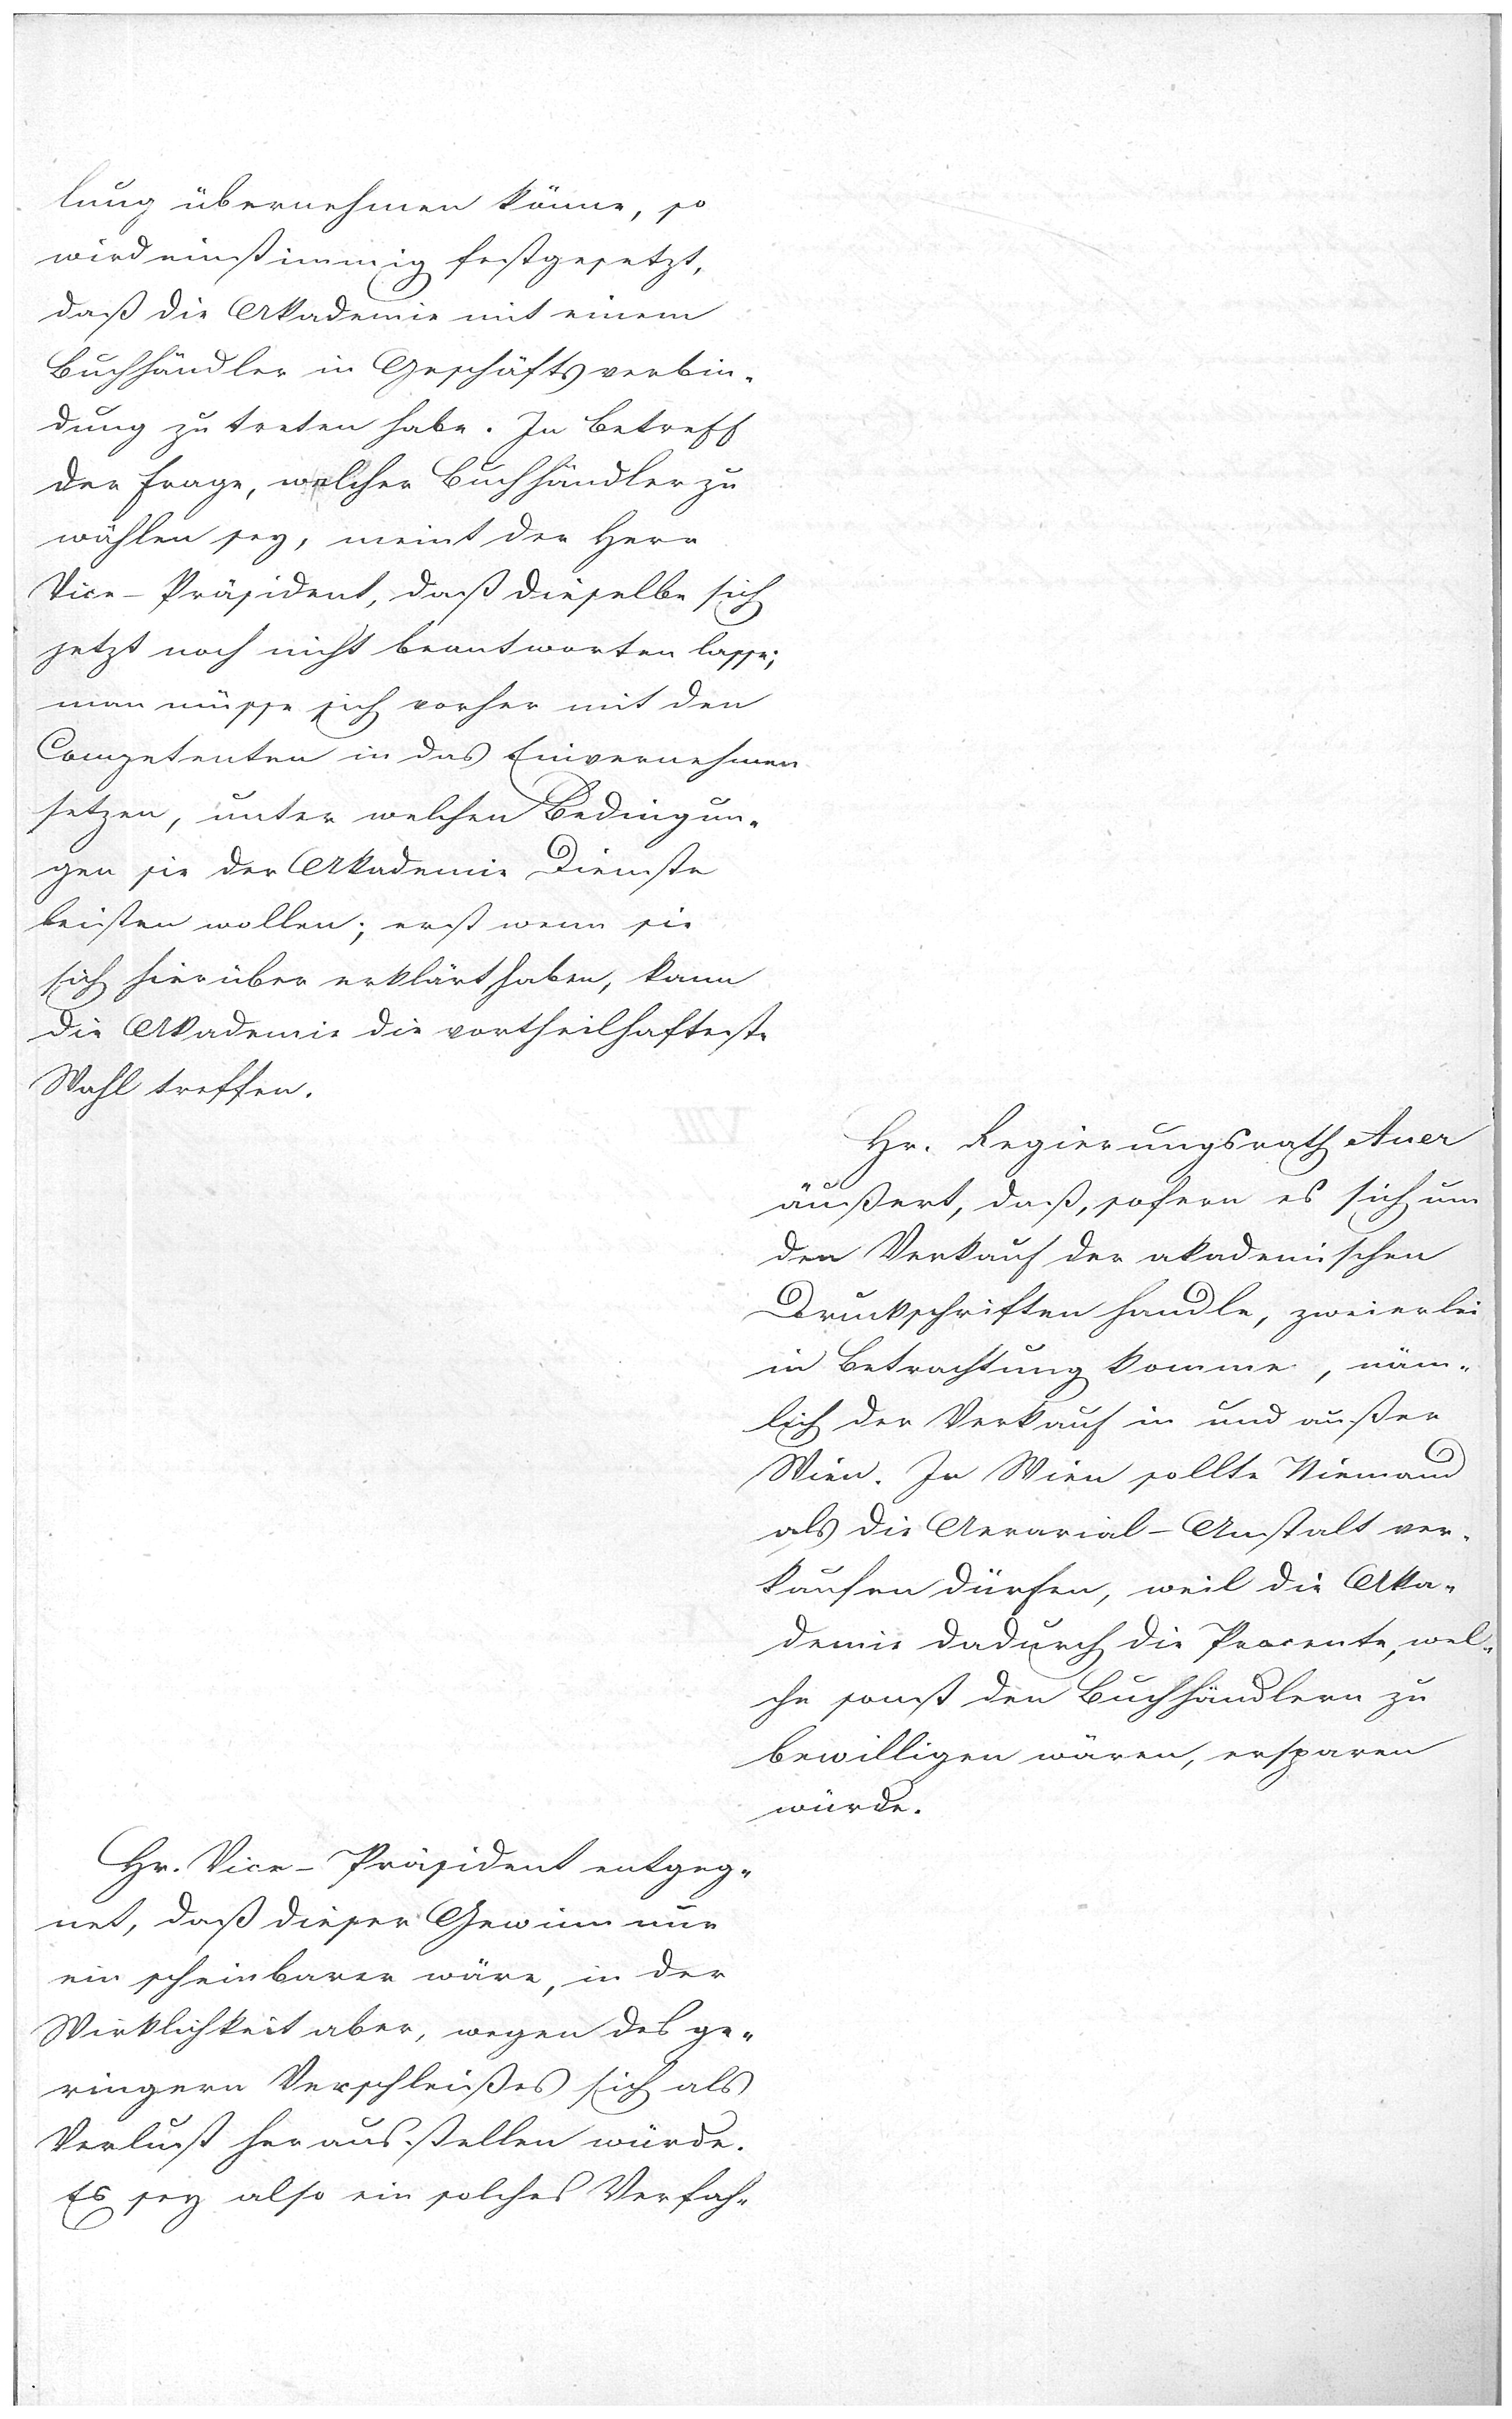lung übernehmen könne, so
wird einstimmig festgesetzt,
daß die Akademie mit einem
Buchhändler in Geschäftsverbin-
gung zu treten habe. In Betreff
der Frage, welcher Buchhändler zu
wählen sey, meint der Herr
Vice-Präsident, daß dieselbe sich
jetzt noch nicht beantworten lasse;
man müsse sich vorher mit den
Competenten in das Einvernehmen
setzen, unter welchen Bedingun-
gen sie derAkademie Dienste
leisten wollen; erst wenn sie
sich hierüber erklärt haben, kann
die Akademie die vortheilhafteste
Wahl treffen.
Hr. Regierungsrath Auer
äußert, daß, sofern es sich um
den Verkauf der akademischen
Druckschriften handle, zweierlei
in Betrachtung komme, näm-
lich der Verkauf in und außer
Wien. In Wien sollte Niemand
als die Aerarial-Anstalt ver-
kaufen dürfen, weil die Aka-
demie dadurch die Procente, wel-
che sonst den Buchhändlern zu
bewilligen wären, ersparen
würde.
Hr. Vice-Präsident entgeg-
net, daß dieser Gewimn nur
ein scheinbarer wäre, in der
Wirklichkeit aber, wegen des ge-
ringern Verschleißes sich als
Verlust herausstellen würde.
Es sey also ein solches Verfah-